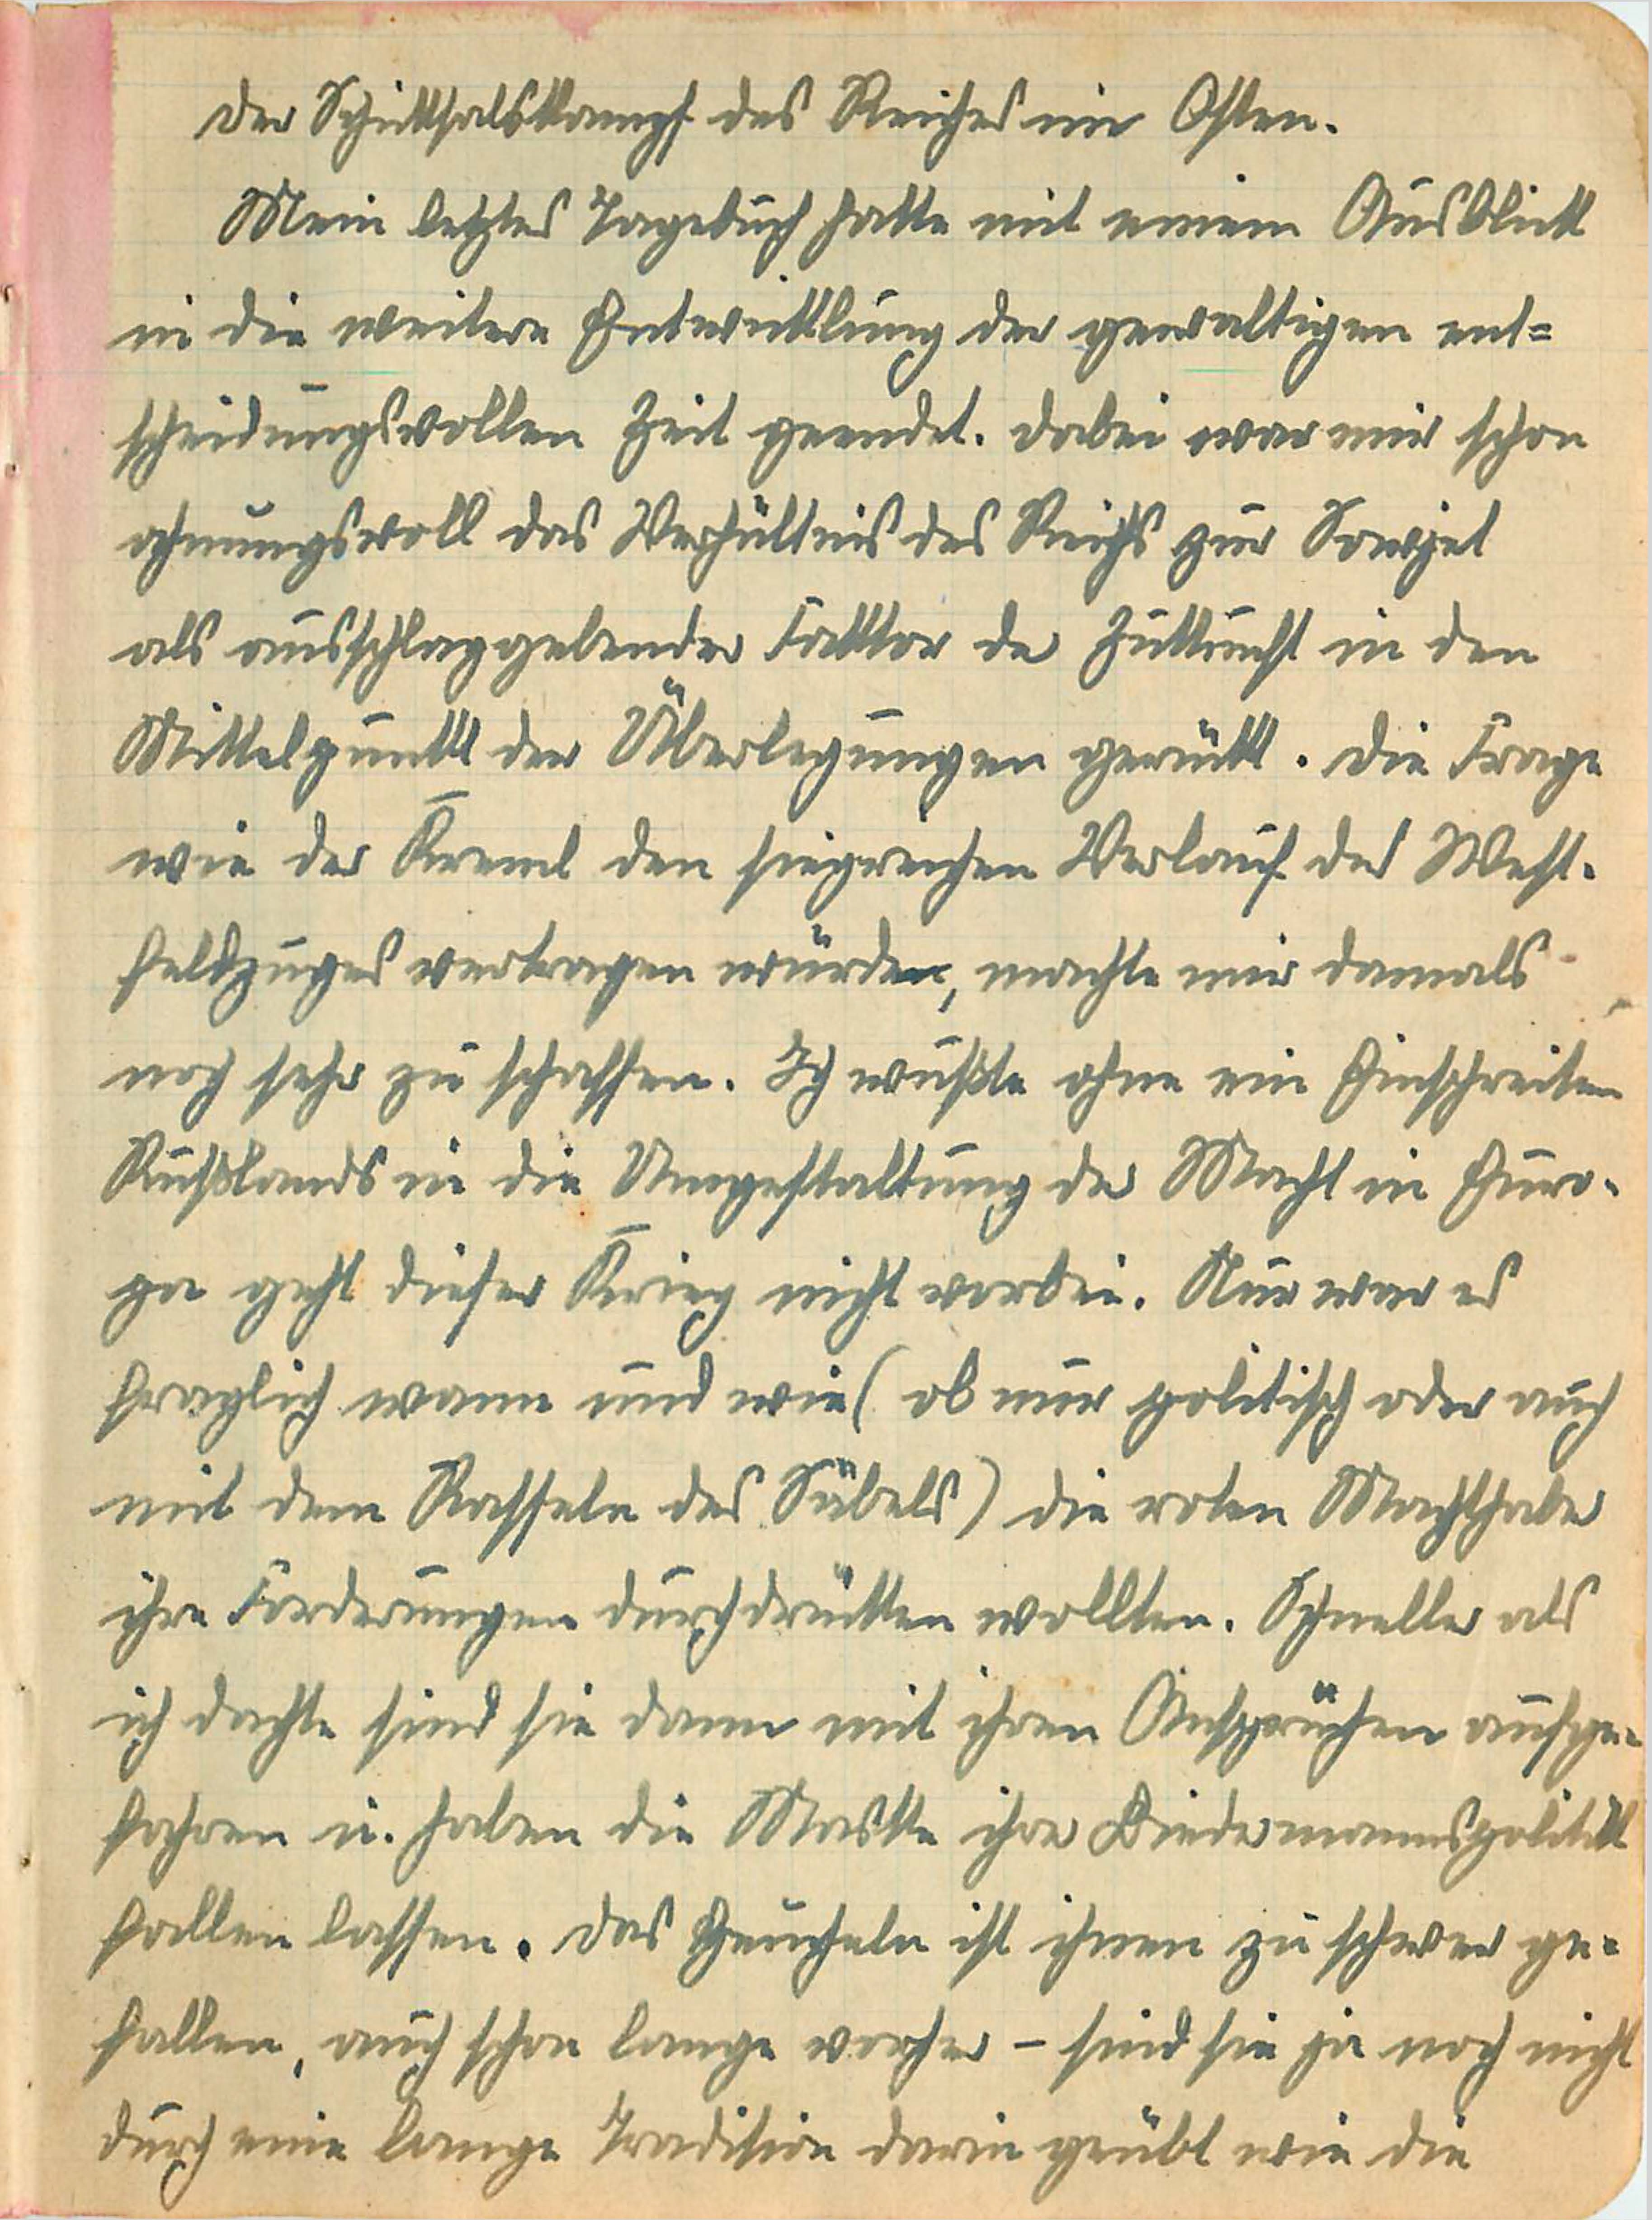Der Schicksalskampf des Reiches im Osten.
Mein letztes Tagebuch hatte mit einem Ausblick
in die weitere Entwicklung der gewaltigen ent-
scheidungsvollen Zeit geendet. Dabei war mir schon
ahnungsvoll das Verhältnis des Reichs zur Sowjet
als ausschlaggebender Faktor der Zukunft in den
Mittelpunkt der Überlegungen gerückt. Die Frage
wie der Kreml den siegreichen Verlauf des West-
feldzuges vertragen würden, machte mir damals
noch sehr zu schaffen. Ich wußte ohne ein Einschreiten
Rußlands in die Umgestaltung der Macht in Euro-
pa geht dieser Krieg nicht vorbei. Nur war es
fraglich wann und wie (ob nur politisch oder auch
mit dem Rasseln des Säbels) die roten Machthaber
ihre Forderungen durchdrücken wollten. Schneller als
ich dachte sind sie dann mit ihren Ansprüchen aufge-
fahren u. haben die Maske ihrer Biedermannspolitik
fallen lassen. Das Heucheln ist ihnen zu schwer ge-
fallen, auch schon lange vorher – sind sie ja noch nicht
durch eine lange Tradition darin geübt wie die